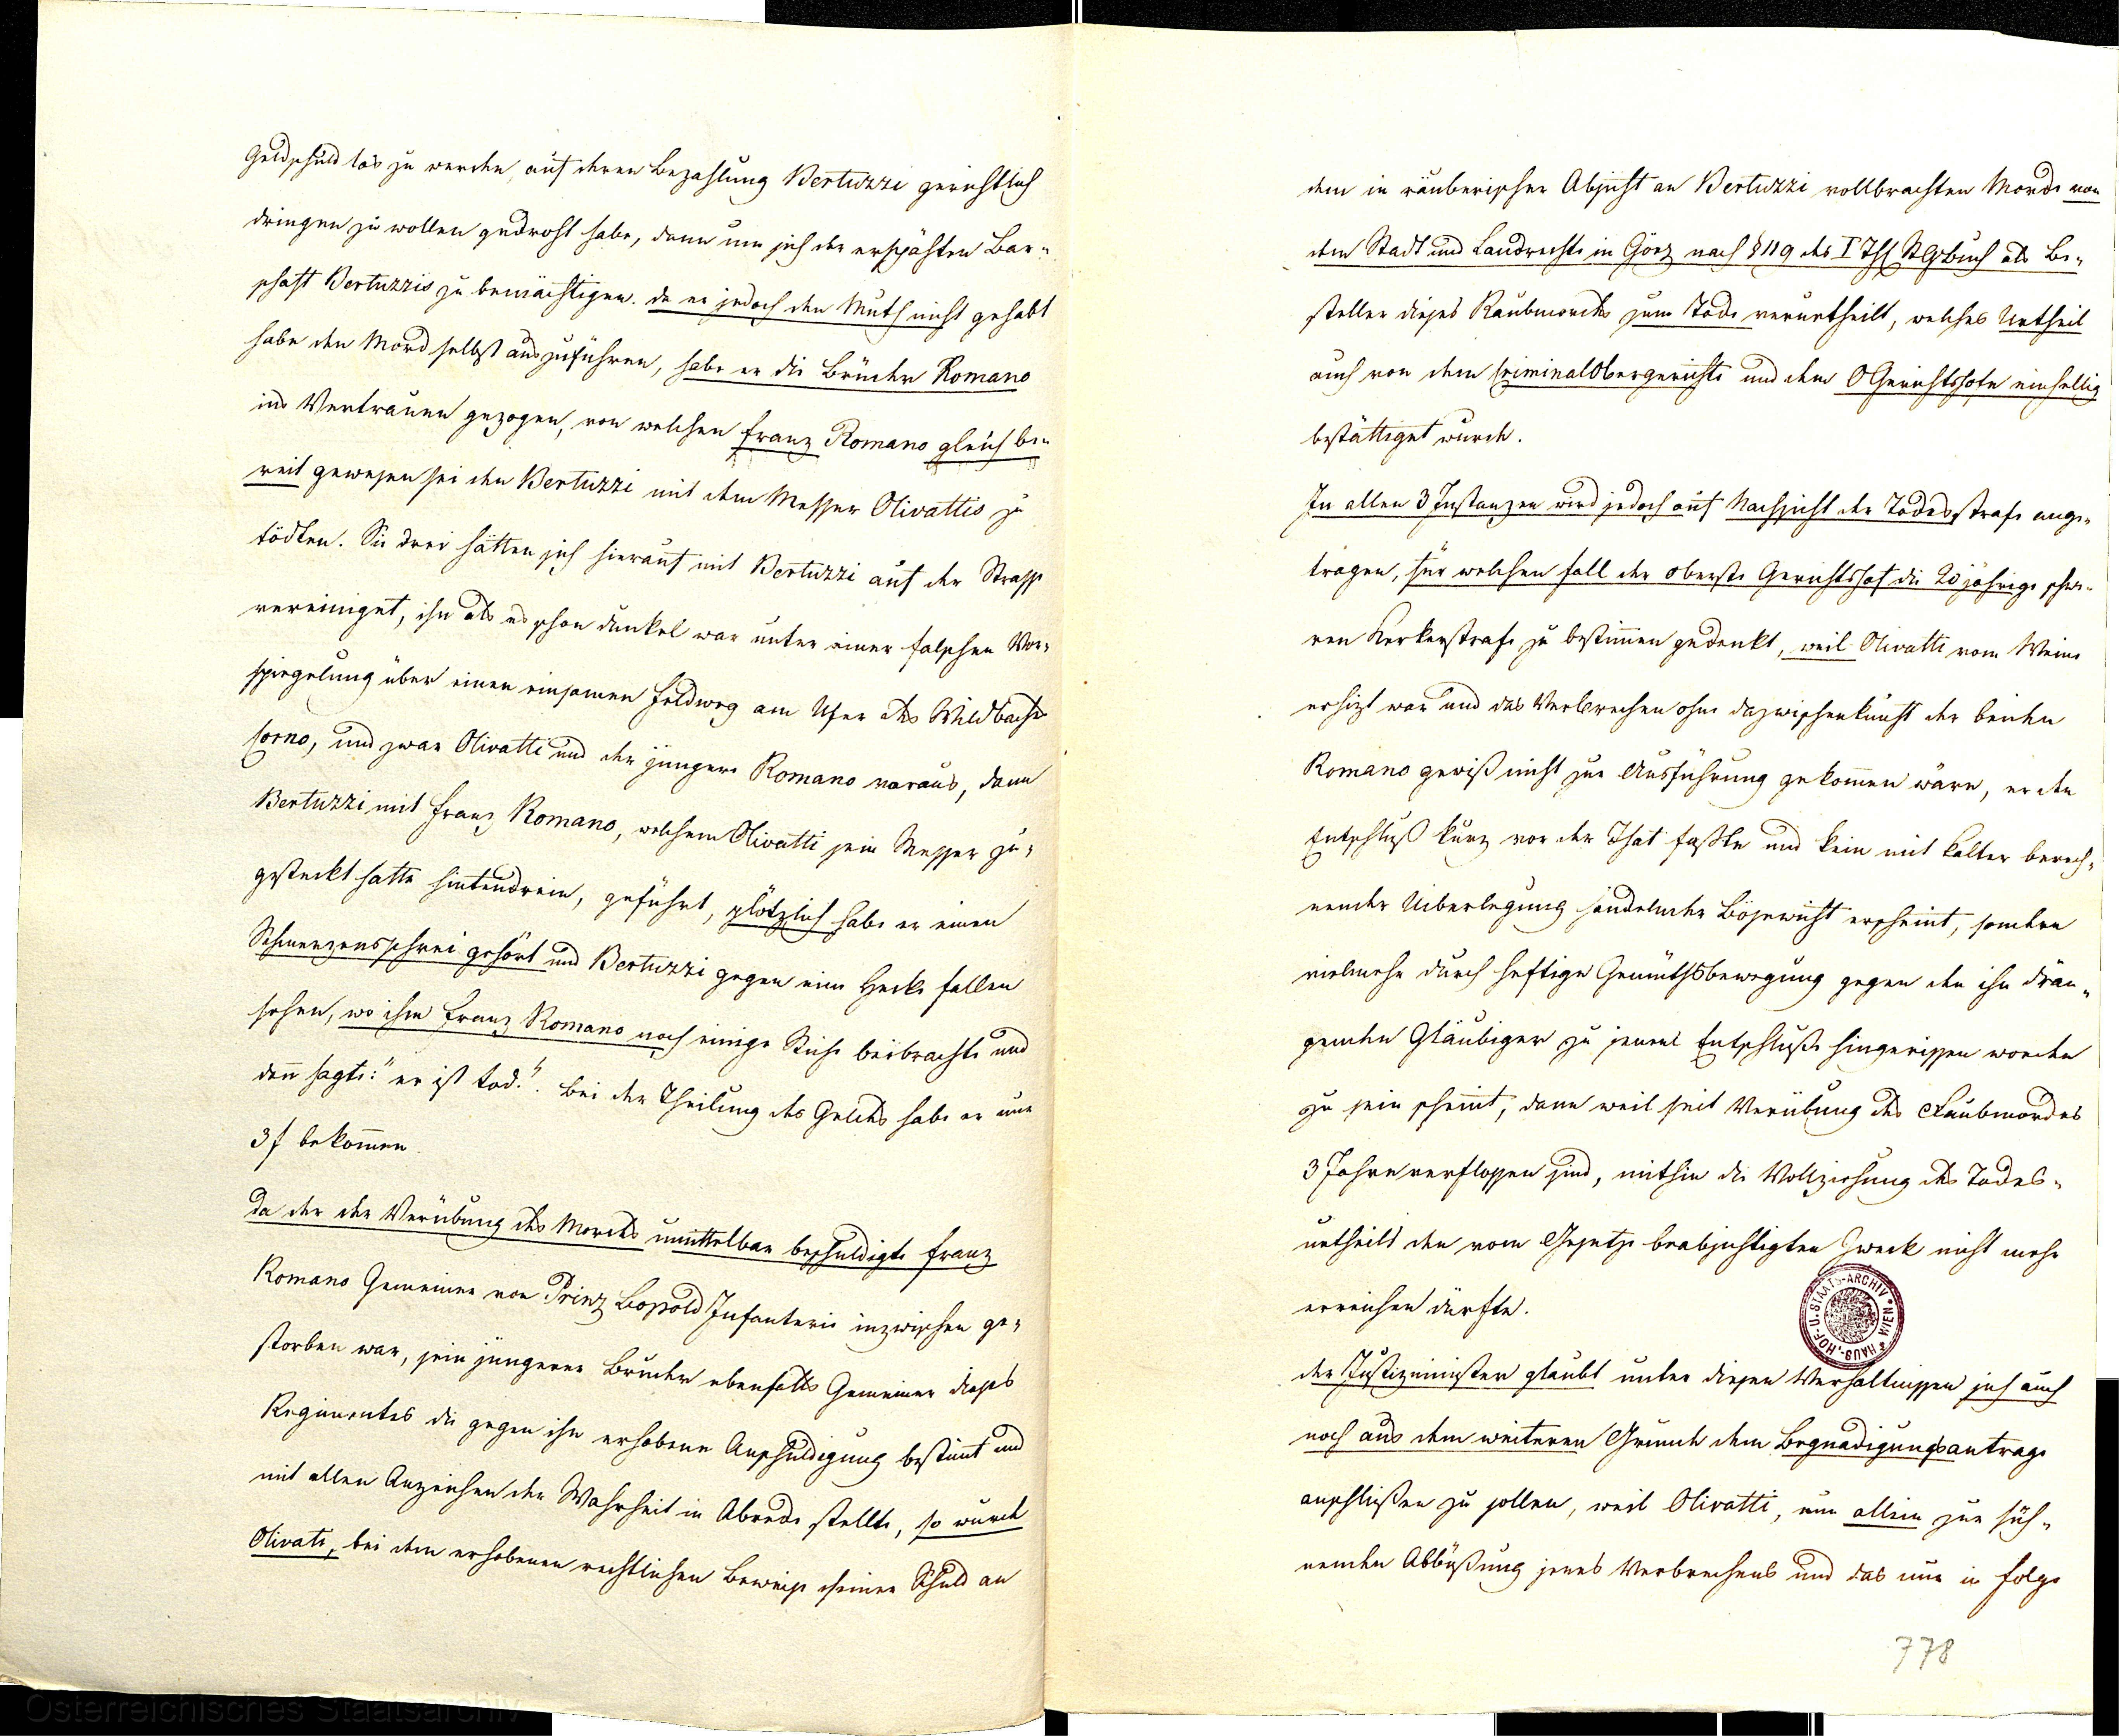Geldschuld lost zu werden, auf deren Bezahlung Bertuzzi gerichtlich
dringen zu wollen gedroht habe, dann um sich der erspähten Bar¬
schaft Bertuzzis zu bemächtigen. Da er jedoch den Muth nicht gehabt
habe den Mord selbst auszuführen, habe er die Brüder Romano
ins Vertrauen gezogen, von welchen Franz Romano gleich be¬
reit gewesen seit den Bertuzzi mit dem Messer Olivattis zu
tödten. Sie drei hätten sich hierauf mit Bertuzzi auf der Strasse
vereiniget, ihn als es schon dunkel war unter einer falschen Ver¬
spiegelung über einen einsamen Feldweg am Ufer des Wildbaches
Forno, und zwar Olivatti und der jüngere Romano voraus, dann
Bertuzzi mit Franz Romano, welchem Olivatti sein Messer zu¬
gesteckt hatte hintendrein, geführt, plötzlich habe er einen
Schmerzensschrei gehört und Bertuzzi gegen eine Hacke fallen
sehen, wo ihm Franz Romano noch einige Stiche beibrachte und
denn sagte: „er ist tod.“ Bei der Theilung des Geldes habe er nun
3f bekommen.
Da der der Verübung des Mordes unmittelbar beschuldigte Franz
Romano Gemeiner von Prinz Leopold Infanterie inzwischen ge¬
storben war, sein jüngerer Bruder ebenfalls Gemeiner dieses
Regimentes die gegen ihn erhobene Anschuldigung bestimmt und
mit allen Anziehen der Wahrheit in Abrede stellte, so wurde
Olivatti, bei den erhobenen rechtlichen Beweis seiner Schuld an
den in räuberischer Absicht an Bertuzzi vollbrachten Morde von
dem Stadt und Landrechte in Görz nach §119 des I. ThE StGBuch als Be¬
steller dieses Raubmordes zum Tode verurtheilt, welches Urtheil
auch von dem CriminalObergerichte und dem OGerichtshofe einhellig
bestätiget wurde.
In allen 3 Instanzen wird jedoch auf Nachsicht der Todesstrafe ange¬
tragen, für welchen Fall der oberste Gerichtshof die 20jährige schwa¬
ren Kerkerstrafe zu bestimmen gedenkt, weil Olivatti vom Weine
erhizt war und das Verbrechen ohne dazwischenkunft der beiden
Romano gewiß nicht zur Ausführung gekommen wäre, er den
Entschluß kurz vor der That faßte und kein mit kalter berech¬
nender Uiberlegung handelnder Bösewicht erscheint, sondern
vielmehr durch heftige Gemütsbewegung gegen den ihn drän¬
genden Gläubiger zu jenes Entschluße hingerissen worden
zu sein scheint, dann weil seit Verübung des Raubmordes
3 Jahre verflossen sind, mithin die Vollziehung des Todes¬
urtheils den vom Gesetze beabsichtigten Zweck nicht mehr
erreichen dürfte.
Der Justizminister glaubt unter diesen Verhaltnissen sich auch
noch aus dem weiteren Grunde dem Begnadigungsantrag
anschlißen zu wollen, weil Olivatti, um allein zur süh¬
nenden Abbüßung jenes Verbrechens und das nur in Folge
778